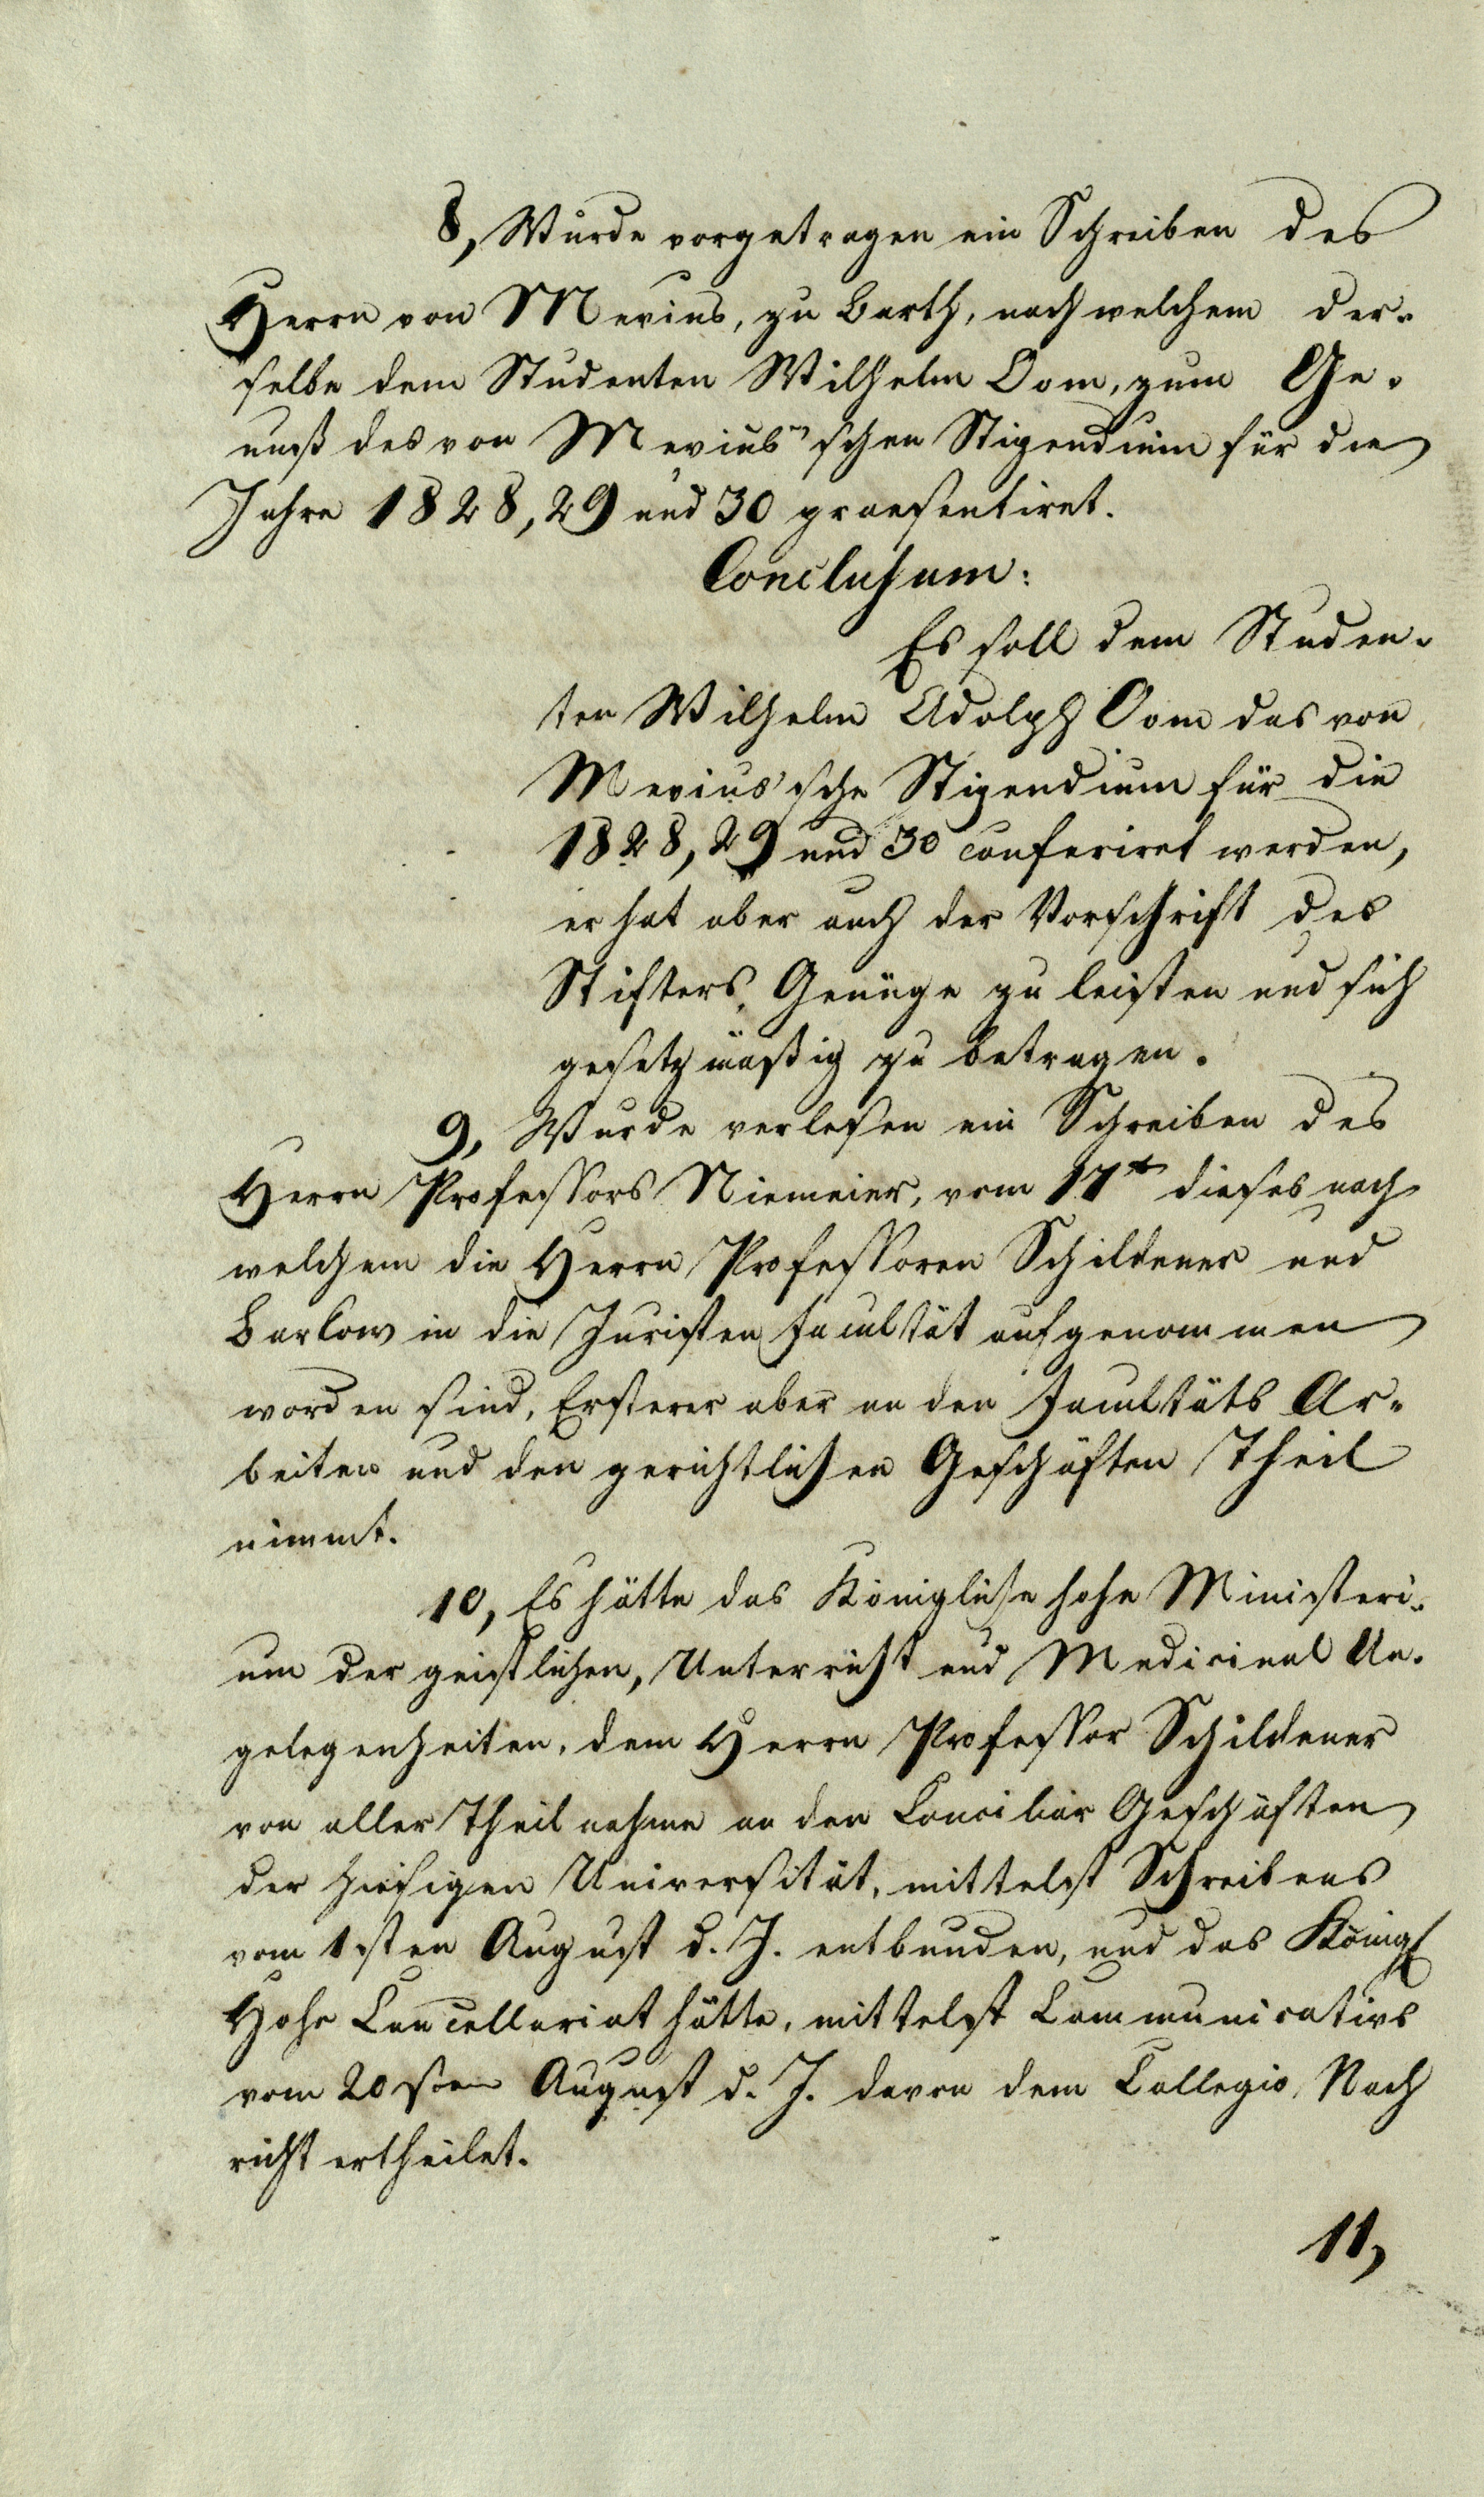8, Wurde vorgetragen ein Schreiben des
Herrn von Mevius, zu Barth, nach welchem der¬
selbe dem Studenten Wilhelm Oom, zum Ge¬
nuß des von Mevius'schen Stipendium für die
Jahre 1828, 29 und 30 praesentiret.
Conclusum:
Es soll dem Studen¬
ten Adolph Oom das von
Mevius'sche Stipendium für die
1828, 29 und 30 conferiret werden,
er hat aber auch der Vorschrift des
Stifters Genüge zu leisten und sich
gesetzmäßig zu betragen.
9, Wurde verlesen ein Schreiben des
Herrn Professors Niemeier, vom 17ten dieses nach
welchem die Herrn Professoren Schildener und
Barkow in die Juristen Facultät aufgenommen
worden sind, Ersterer aber an den Facultäts Ar¬
beiten und den gerichtlichen Geschäften Theil
nimmt.
10, Es hätte das Königliche hohe Ministeri¬
um der geistlichen, Unterricht und Medicinal An¬
gelegenheiten, dem Herrn Professor Schildener
von aller Theilnahme an den Conciliar Geschäften
der hiesigen Universität, mittelst Schreibens
vom 1ten August d. J. entbunden, und das Königl.
Hohe Cancellariat hätte, mittelst Communicativs
vom 20 sten August d. J. davon dem Collegio Nach¬
richt ertheilet.
11,